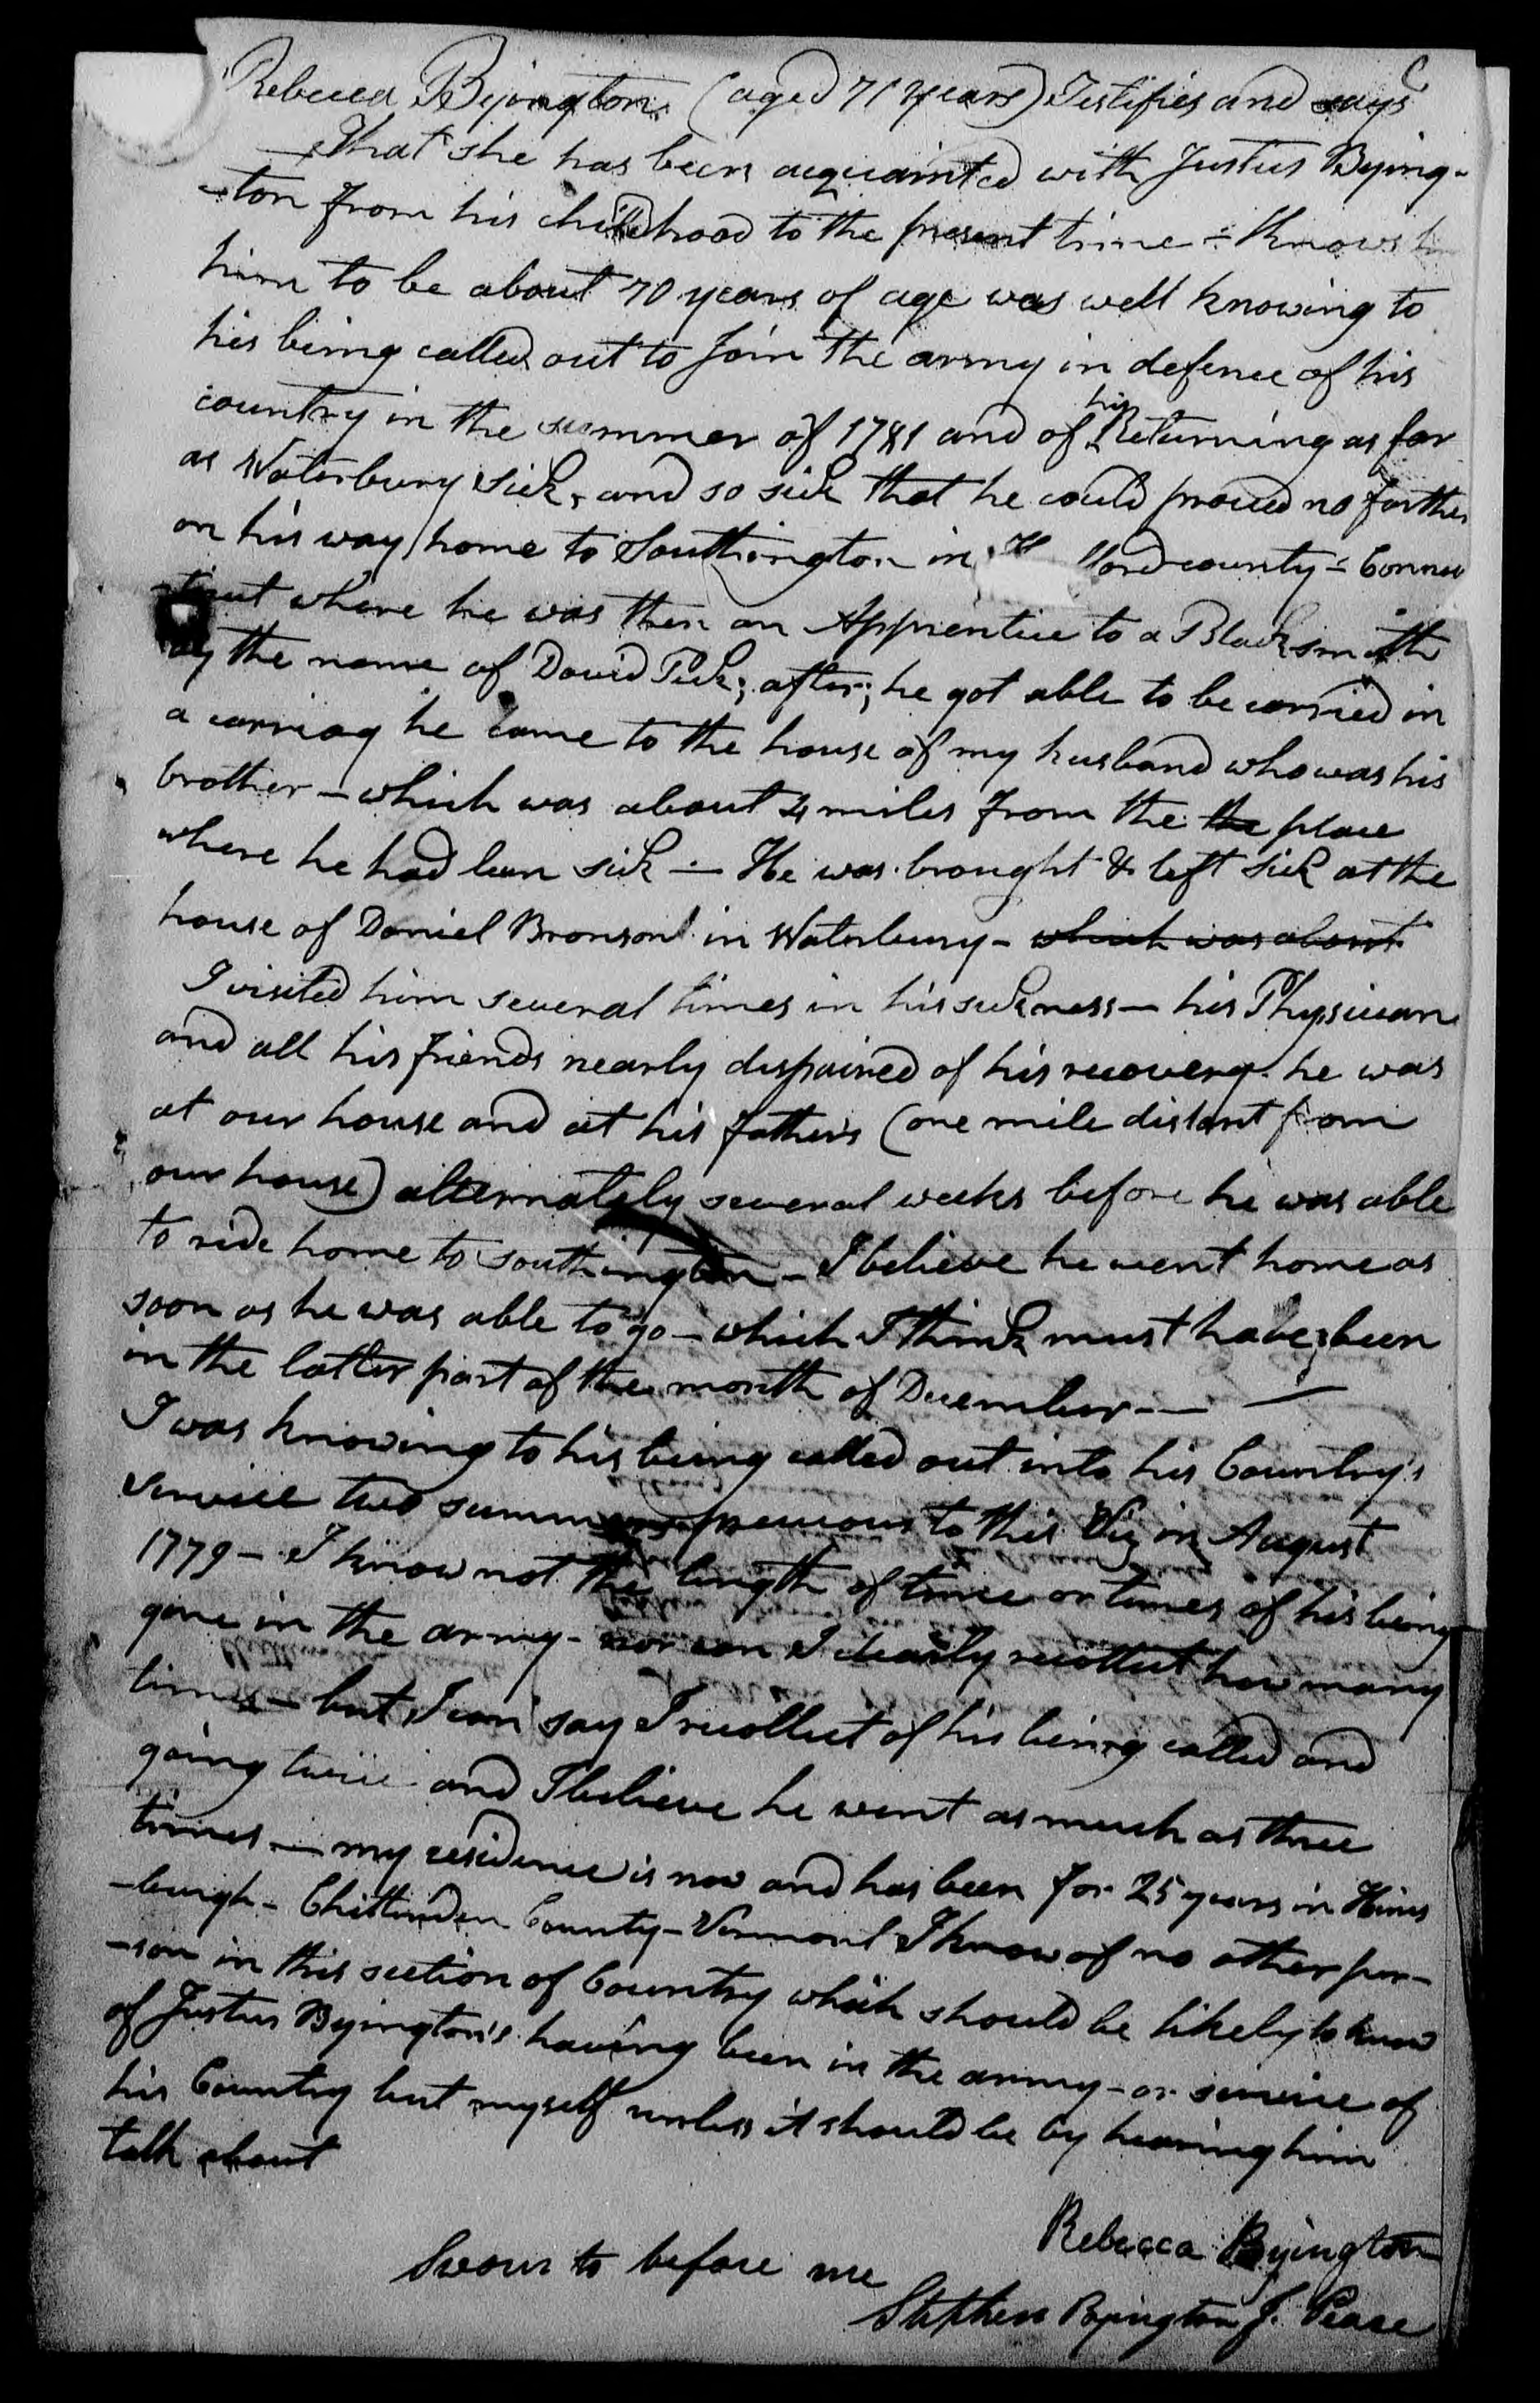Rebecca Byington (aged 77 years) testifies and says that she has been acquainted with Justus Byington from his childhood to the present time & knows him to be about 70 years of age was well knowing to his being called out to join the army in defense of his country in the summer of 1781 and of his returning as far as Waterbury sick, and so sick that he could move no further on his way home to Southington in Hartford County Connecticut where he was then an Apprentice to a Blacksmith by the name of David Pick, after, he got able to be carried in a carriage he came to the house of my husband who was his brother-which was about 4 miles from the place where he had been sick-He was brought & left sick at the hoes of David Bronson in Waterbury-I visited him several times in his sickness-his Physician and all his friends nearly despaired of his recovery he was at our house and at his father's (one mile distant from our house) alternately several weeks before he was able to ride home to Southington. I believe he went home as soon as he was able to go-which I think must have been in the latter part of the month of December.
I was knowing to his being called out into his Country's service the summoned persons to their (illegible) in August 1779- I know not the length of service or times of his being gone in the army nor can I really recollect how many times-but I can say I recollect of his being called and going twice and I believe he went as much as three times--my evidence is now and has been for 25 years in Hinesburgh, Chittenden County, Vermont. I know of no other person in this section of Country which should be likely to know of Justus Byington's having been in the army or service of his Country but myself unless it should be by having him talk about

Rebecca Byington 
Sworn to before me
Stephen Byington J. Peace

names: Justus Byington, Justus Byington, Rebecca Byington, Stephen Byington, Daniel Bronson, David Peck, Rebecca Byington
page: 55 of 79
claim: widow's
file: W. 23754, Justus Byington, Conn.